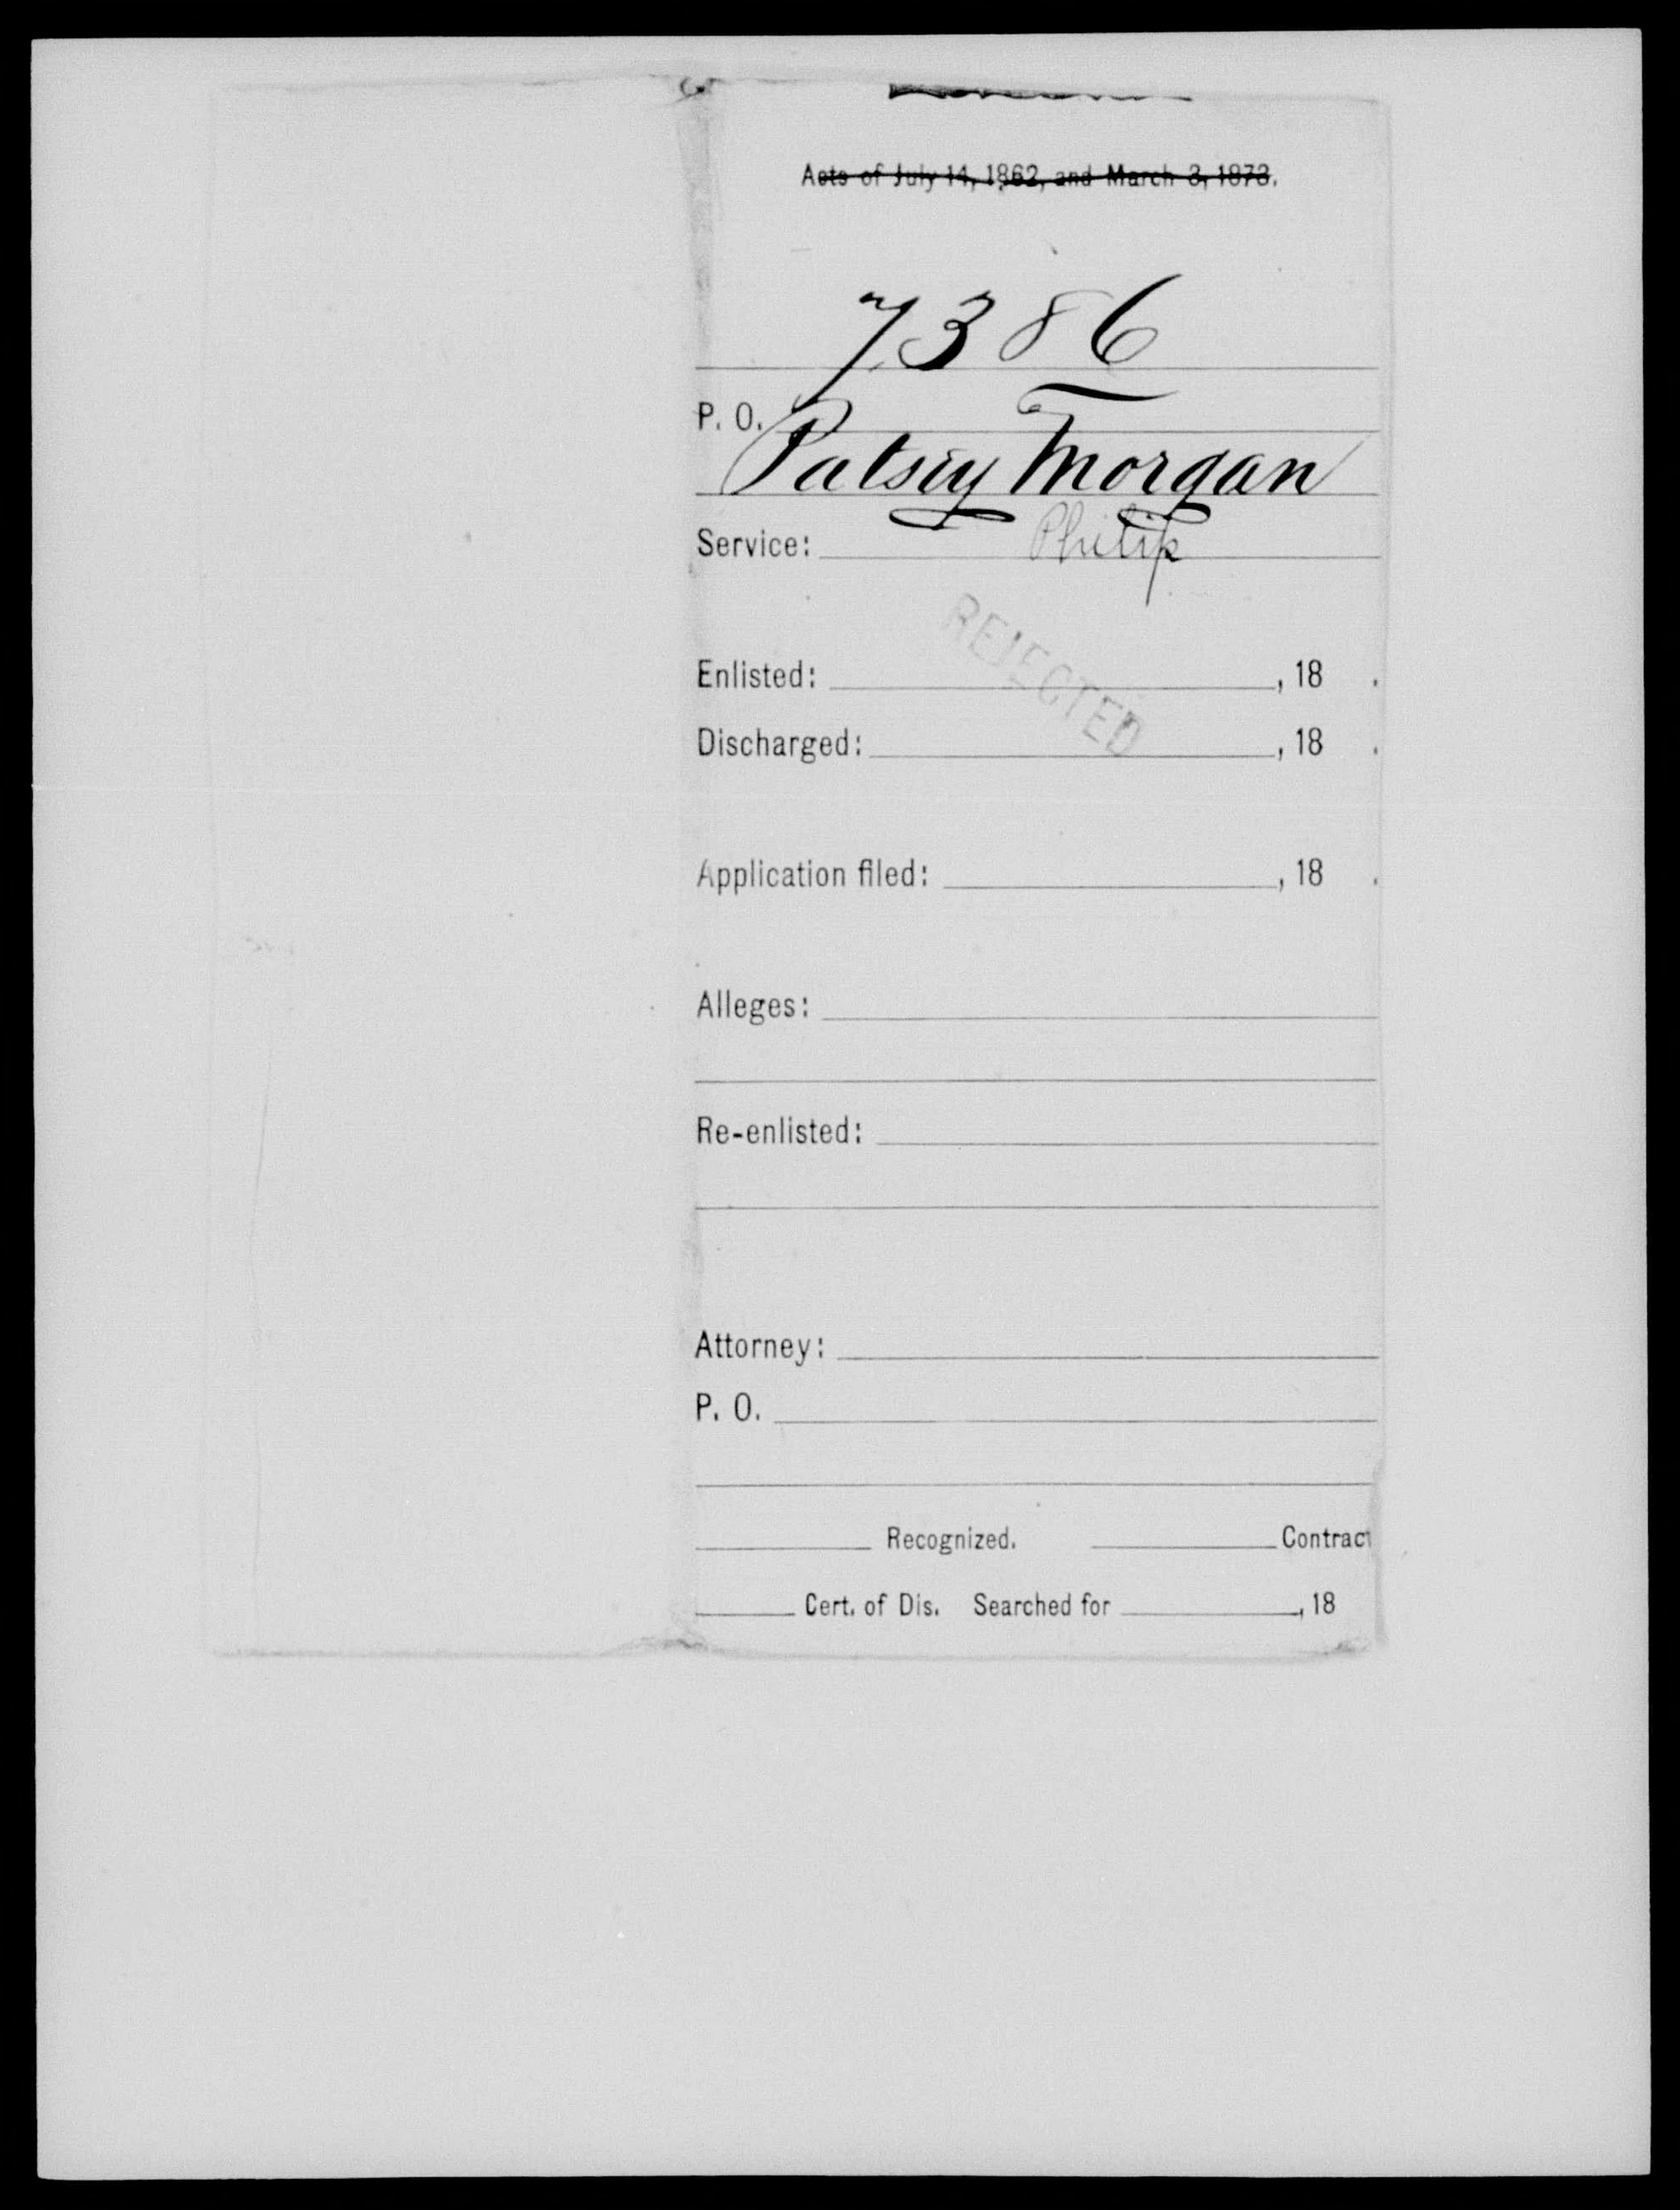[crossed through] Act of July 14, 1862, and March 2, 1878.
7386
P.O.
Patsey Morgan
Service: Philip
Enlisted: [blank],18[blank]    
Discharged: [blank],18[blank]  
[stamped across] REJECTED
Application filed: [blank],18 [blank]  
Alleges: [blank]
Re-enlisted: [blank]
Attorney: [blank]
P. O. [blank]
[blank] Recognized. [blank] contract
[blank] Cert. of Dis.  
Searched for [blank]18[blank]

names: Patsey Morgan; Philip Morgan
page: 9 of 16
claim: rejected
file: R 7386, for Philip Morgan, Georgia